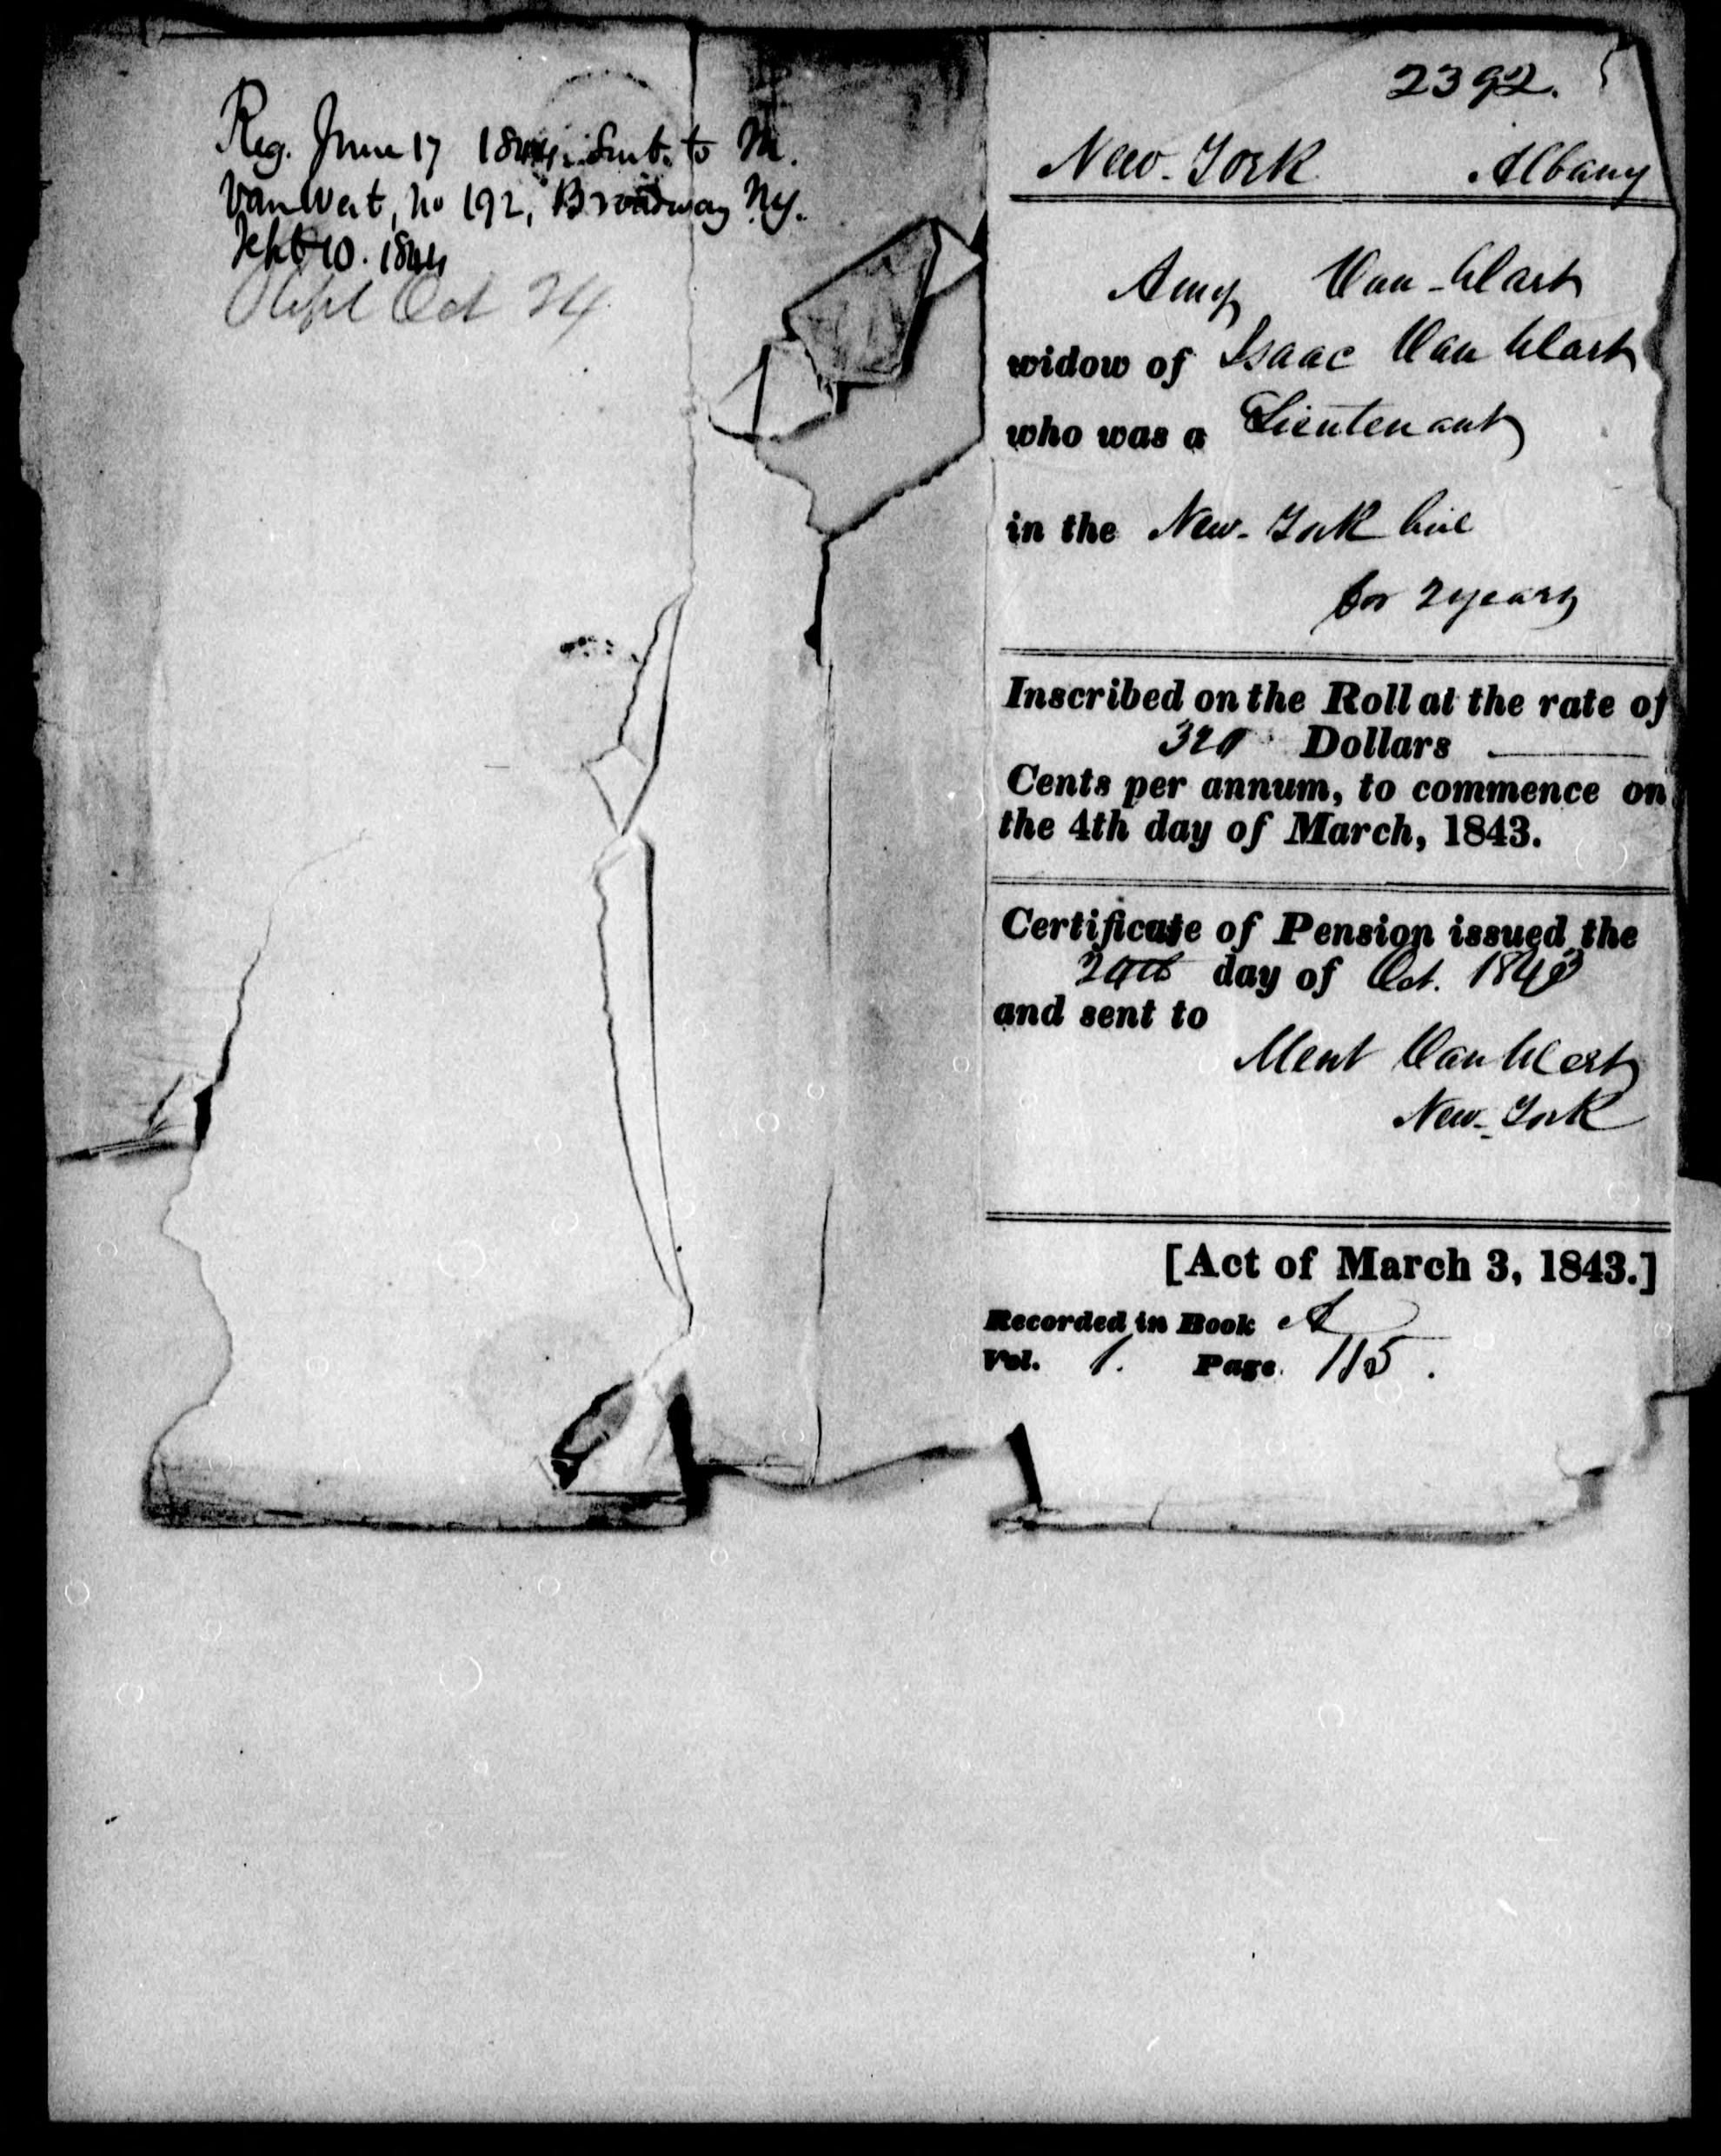[left side]
Reg. June 17, 1844 sent to M. Van Wart, No 192, Broadway NY. 
Sept 10. 1844
[illegible] Oct 24 

[right side]
2392.
New York  Albany 
Amy Van Wart widow of Isaac Van Wart who was a Lieutenant in the New York line for 2 years 
Inscribed on the Roll at the rate of 320 Dollars __Cents per annum, to commence on the 4th day of March, 1843. 
Certificate of Pension issued the 24th day of Oct. 1843 and sent to Menl [or Ment] Van Wart New York 
[Act of March 3, 1843.]
Recorded in Book A  Vol. 1. Page 115.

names: Isaac Van Wart, Ment Van Wert, Amy Van Wart, M Van Wert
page: 31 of 102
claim: widow's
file: W. 18239, Isaac Van Wart, New York